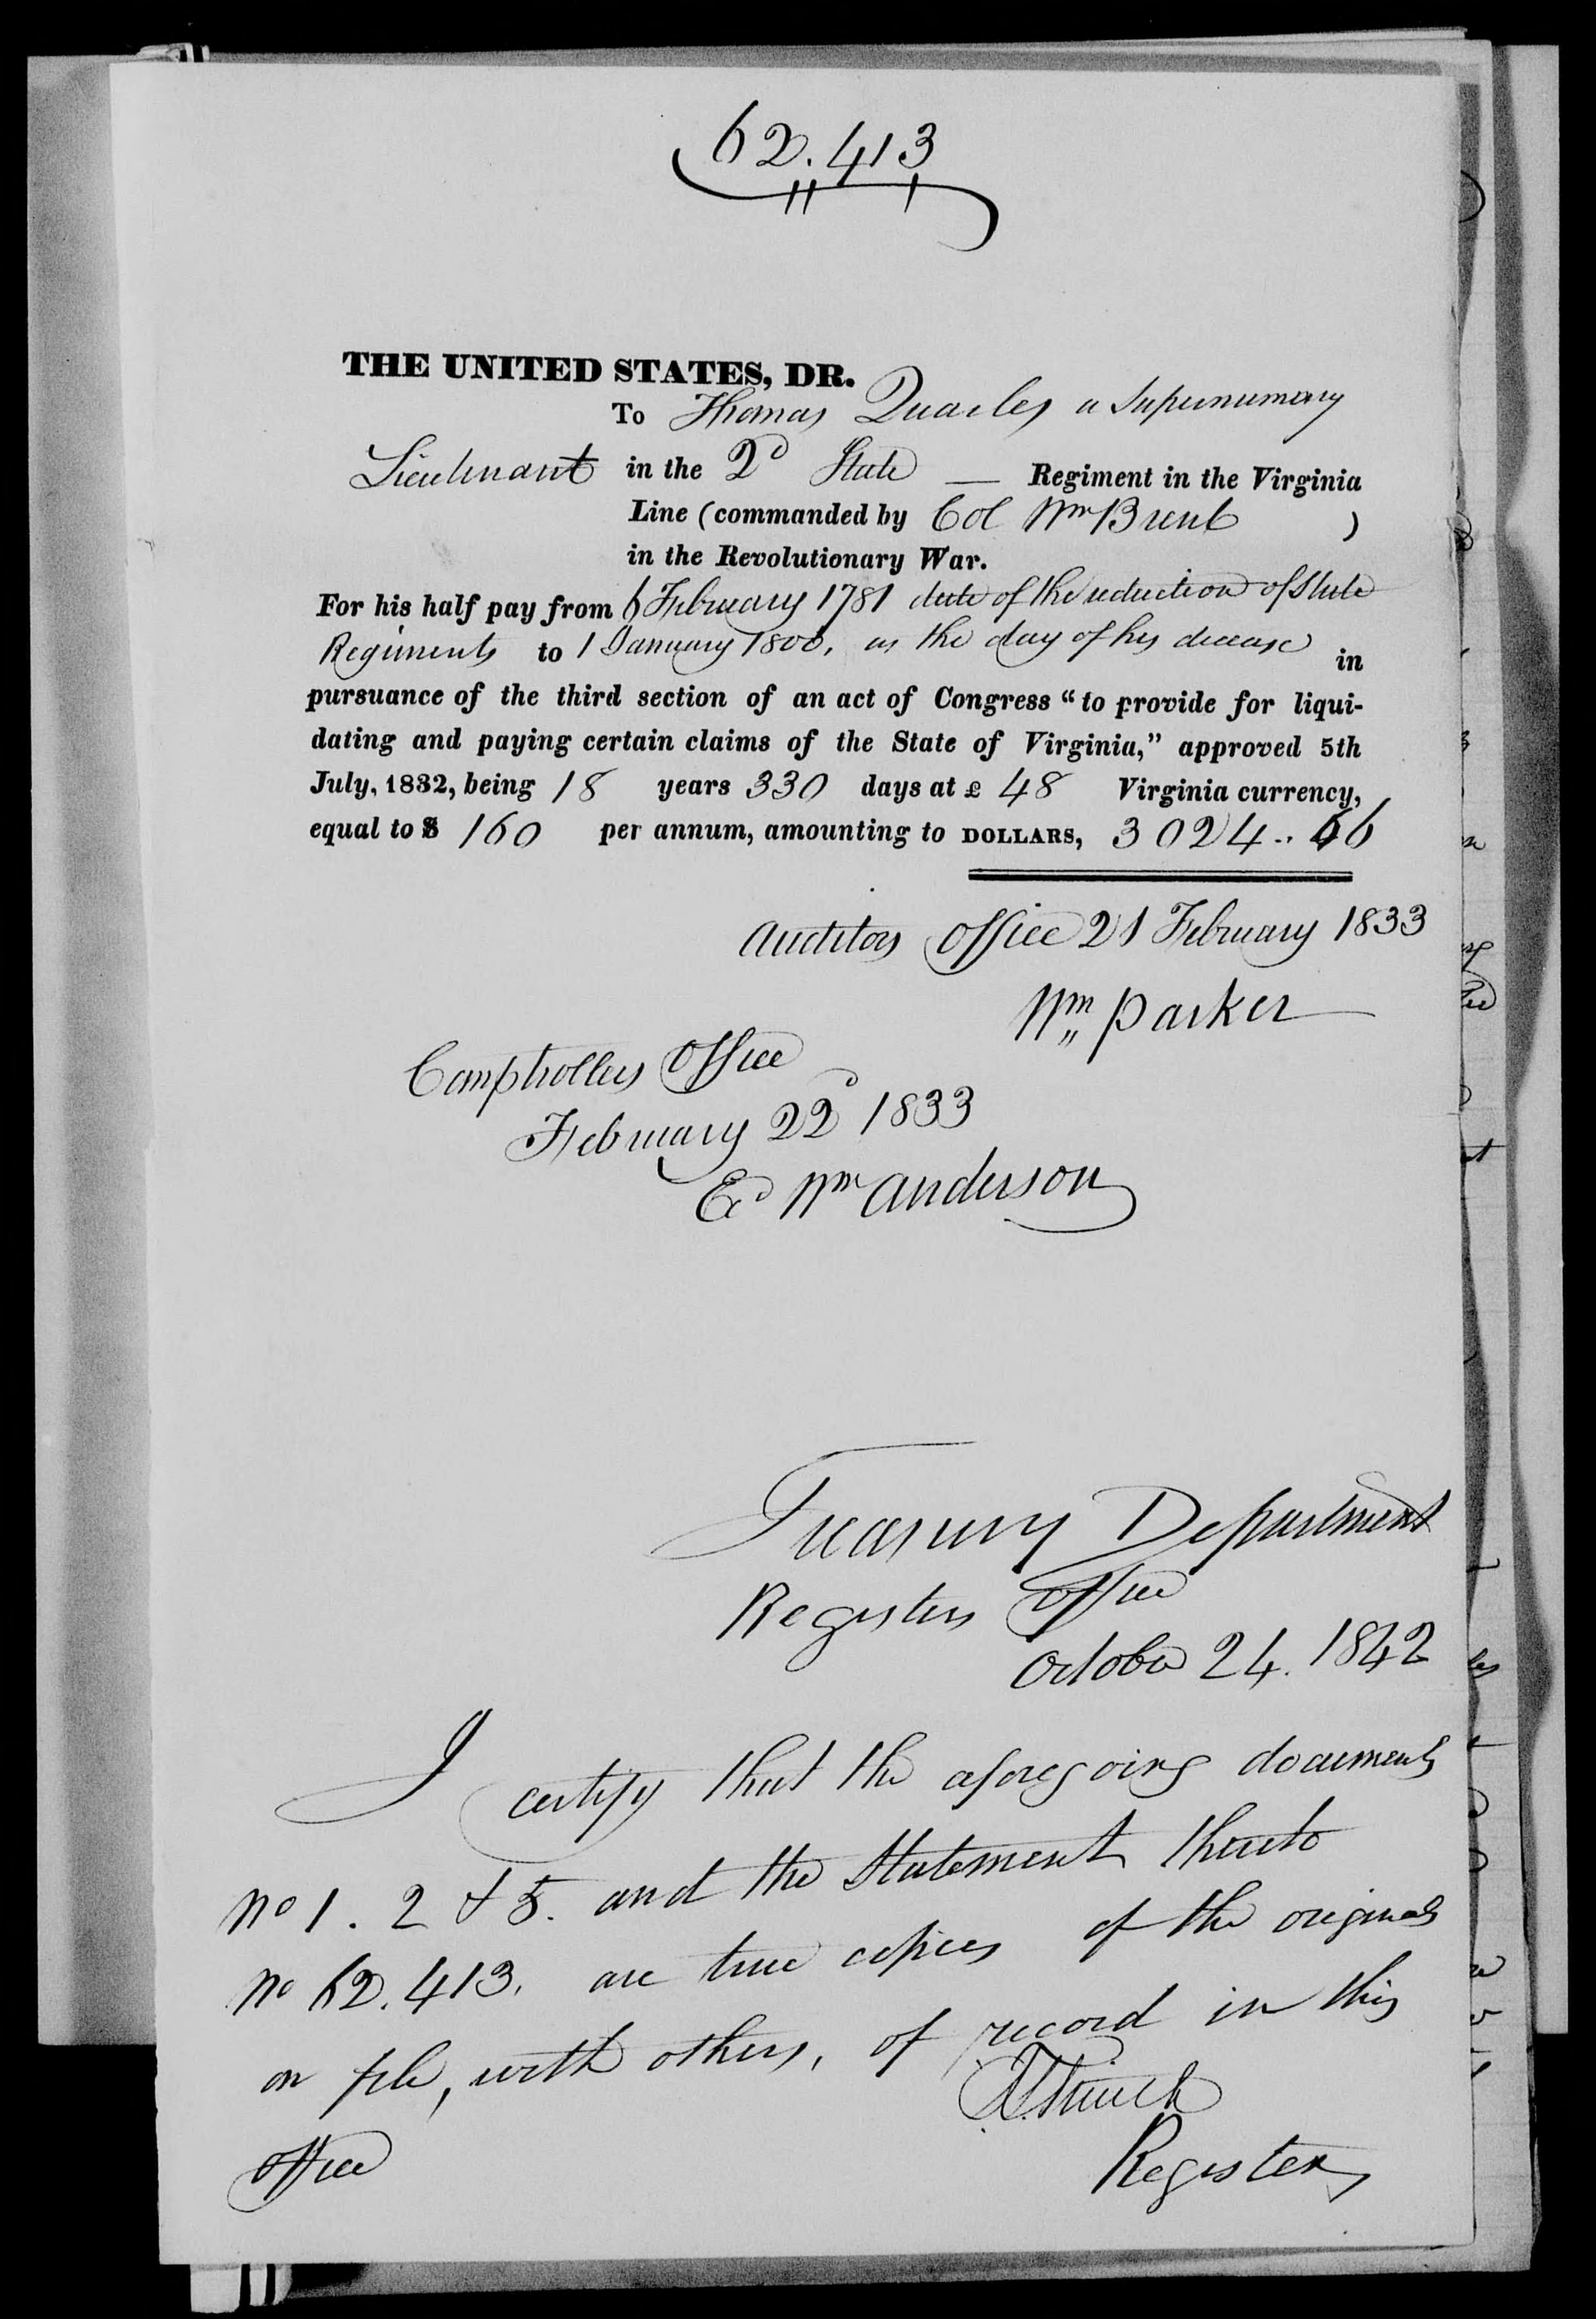62.413

THE UNITED STATES, DR.

To Thomas Quarles a supernumary (sic) Lieutenant in the 2d State - Regiment in the Virginia Line (commanded by Col Wm Brent) in the Revolutionary War.

For his half pay from 6 February 1781 date of the reduction of State Regiments to 1 January 1800, in the day of his decease in pursuance of the third section of an act of Congress "to provide for liquidating and paying certain claims of the State of Virginia." approved 5th July, 1882, being 18 years 330 days at £48 Virginia currency, equal to $160 per annum, amounting to DOLLARS, 3024.66

Auditors Office 21 February 1833

Wm Parker

Comptroller Office
February 22d 1833
Ed Wm Anderson

Treasury Department
Registers Office
October 24, 1842

I certify that the aforegoing document No 1, 2 + 5 and the statement thereto No 62.413 are true copies of the original on file, with others, of record in this office

?
Register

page: 11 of 22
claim: rejected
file: R. 17251, for Thomas Quarles, Virginia